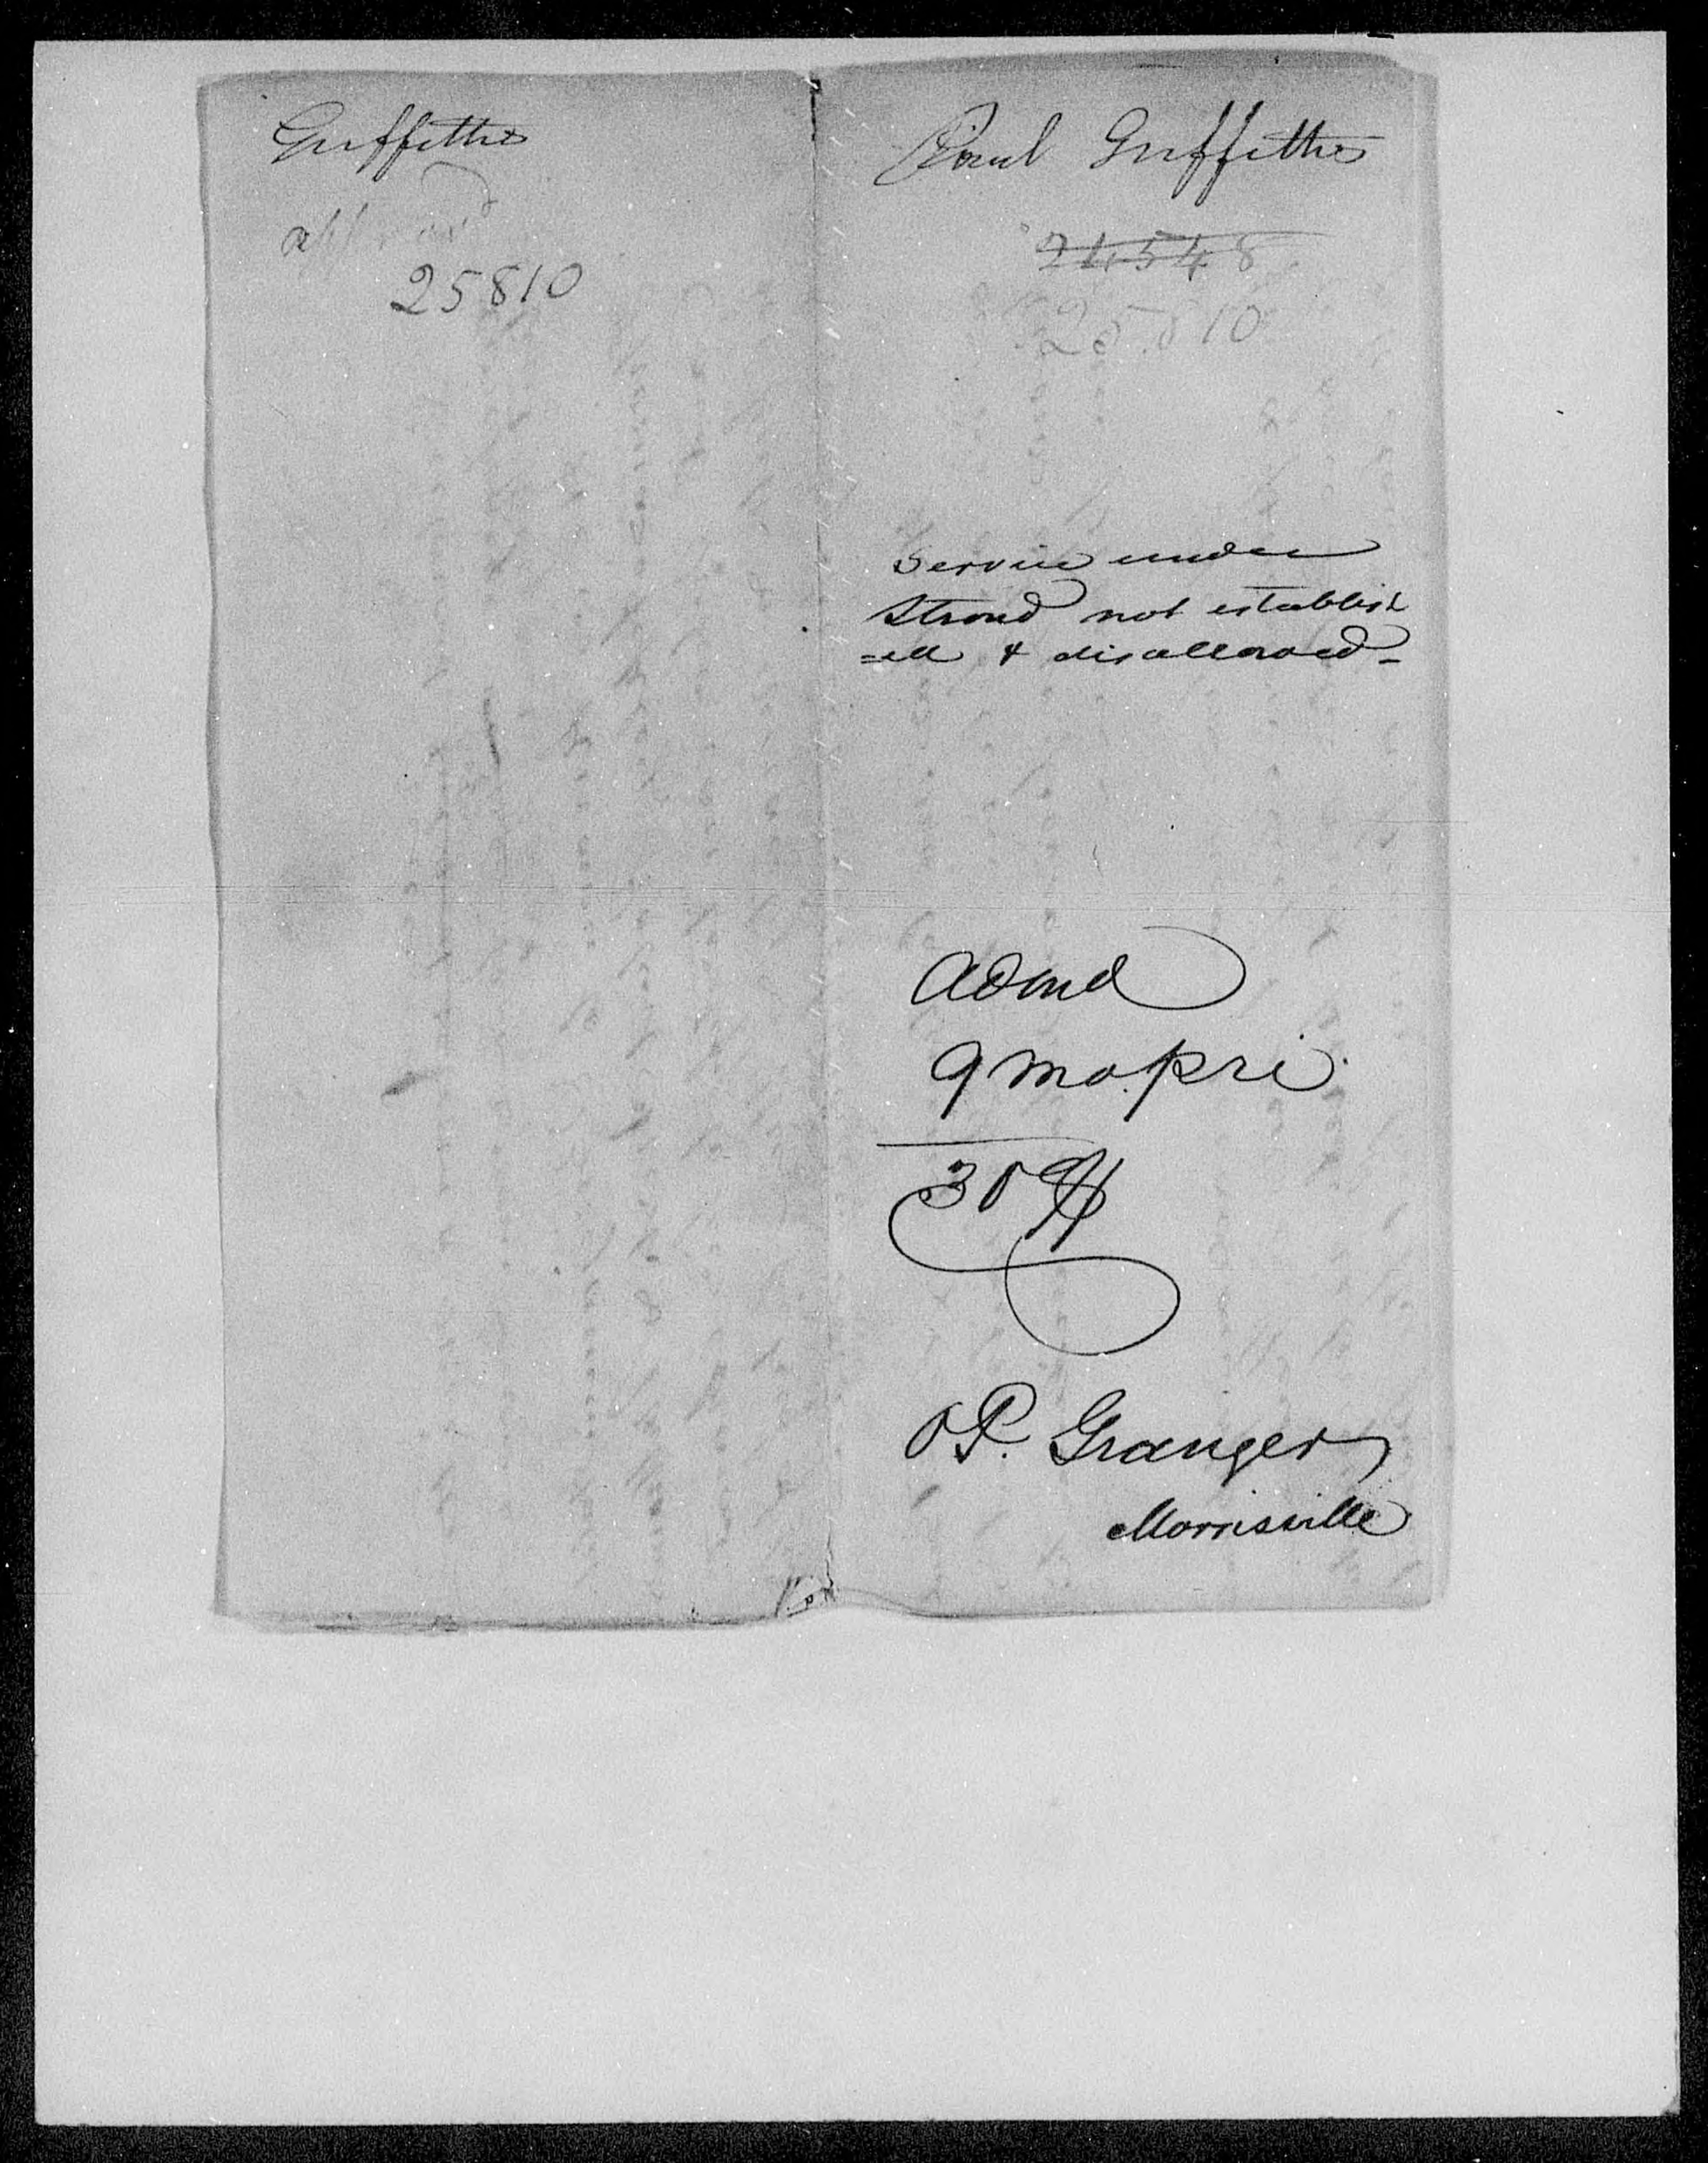Griffiths
approved
25810

Paul Griffiths
25.810

service under Stroud not established & disallowed

Admd
9 mo. pri.
30$
O.P. Granger
Morrisville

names: Paul Griffiths, Griffiths, O P Granger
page: 4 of 61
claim: survivor's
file: S. 22798, Paul Griffiths, R.I.